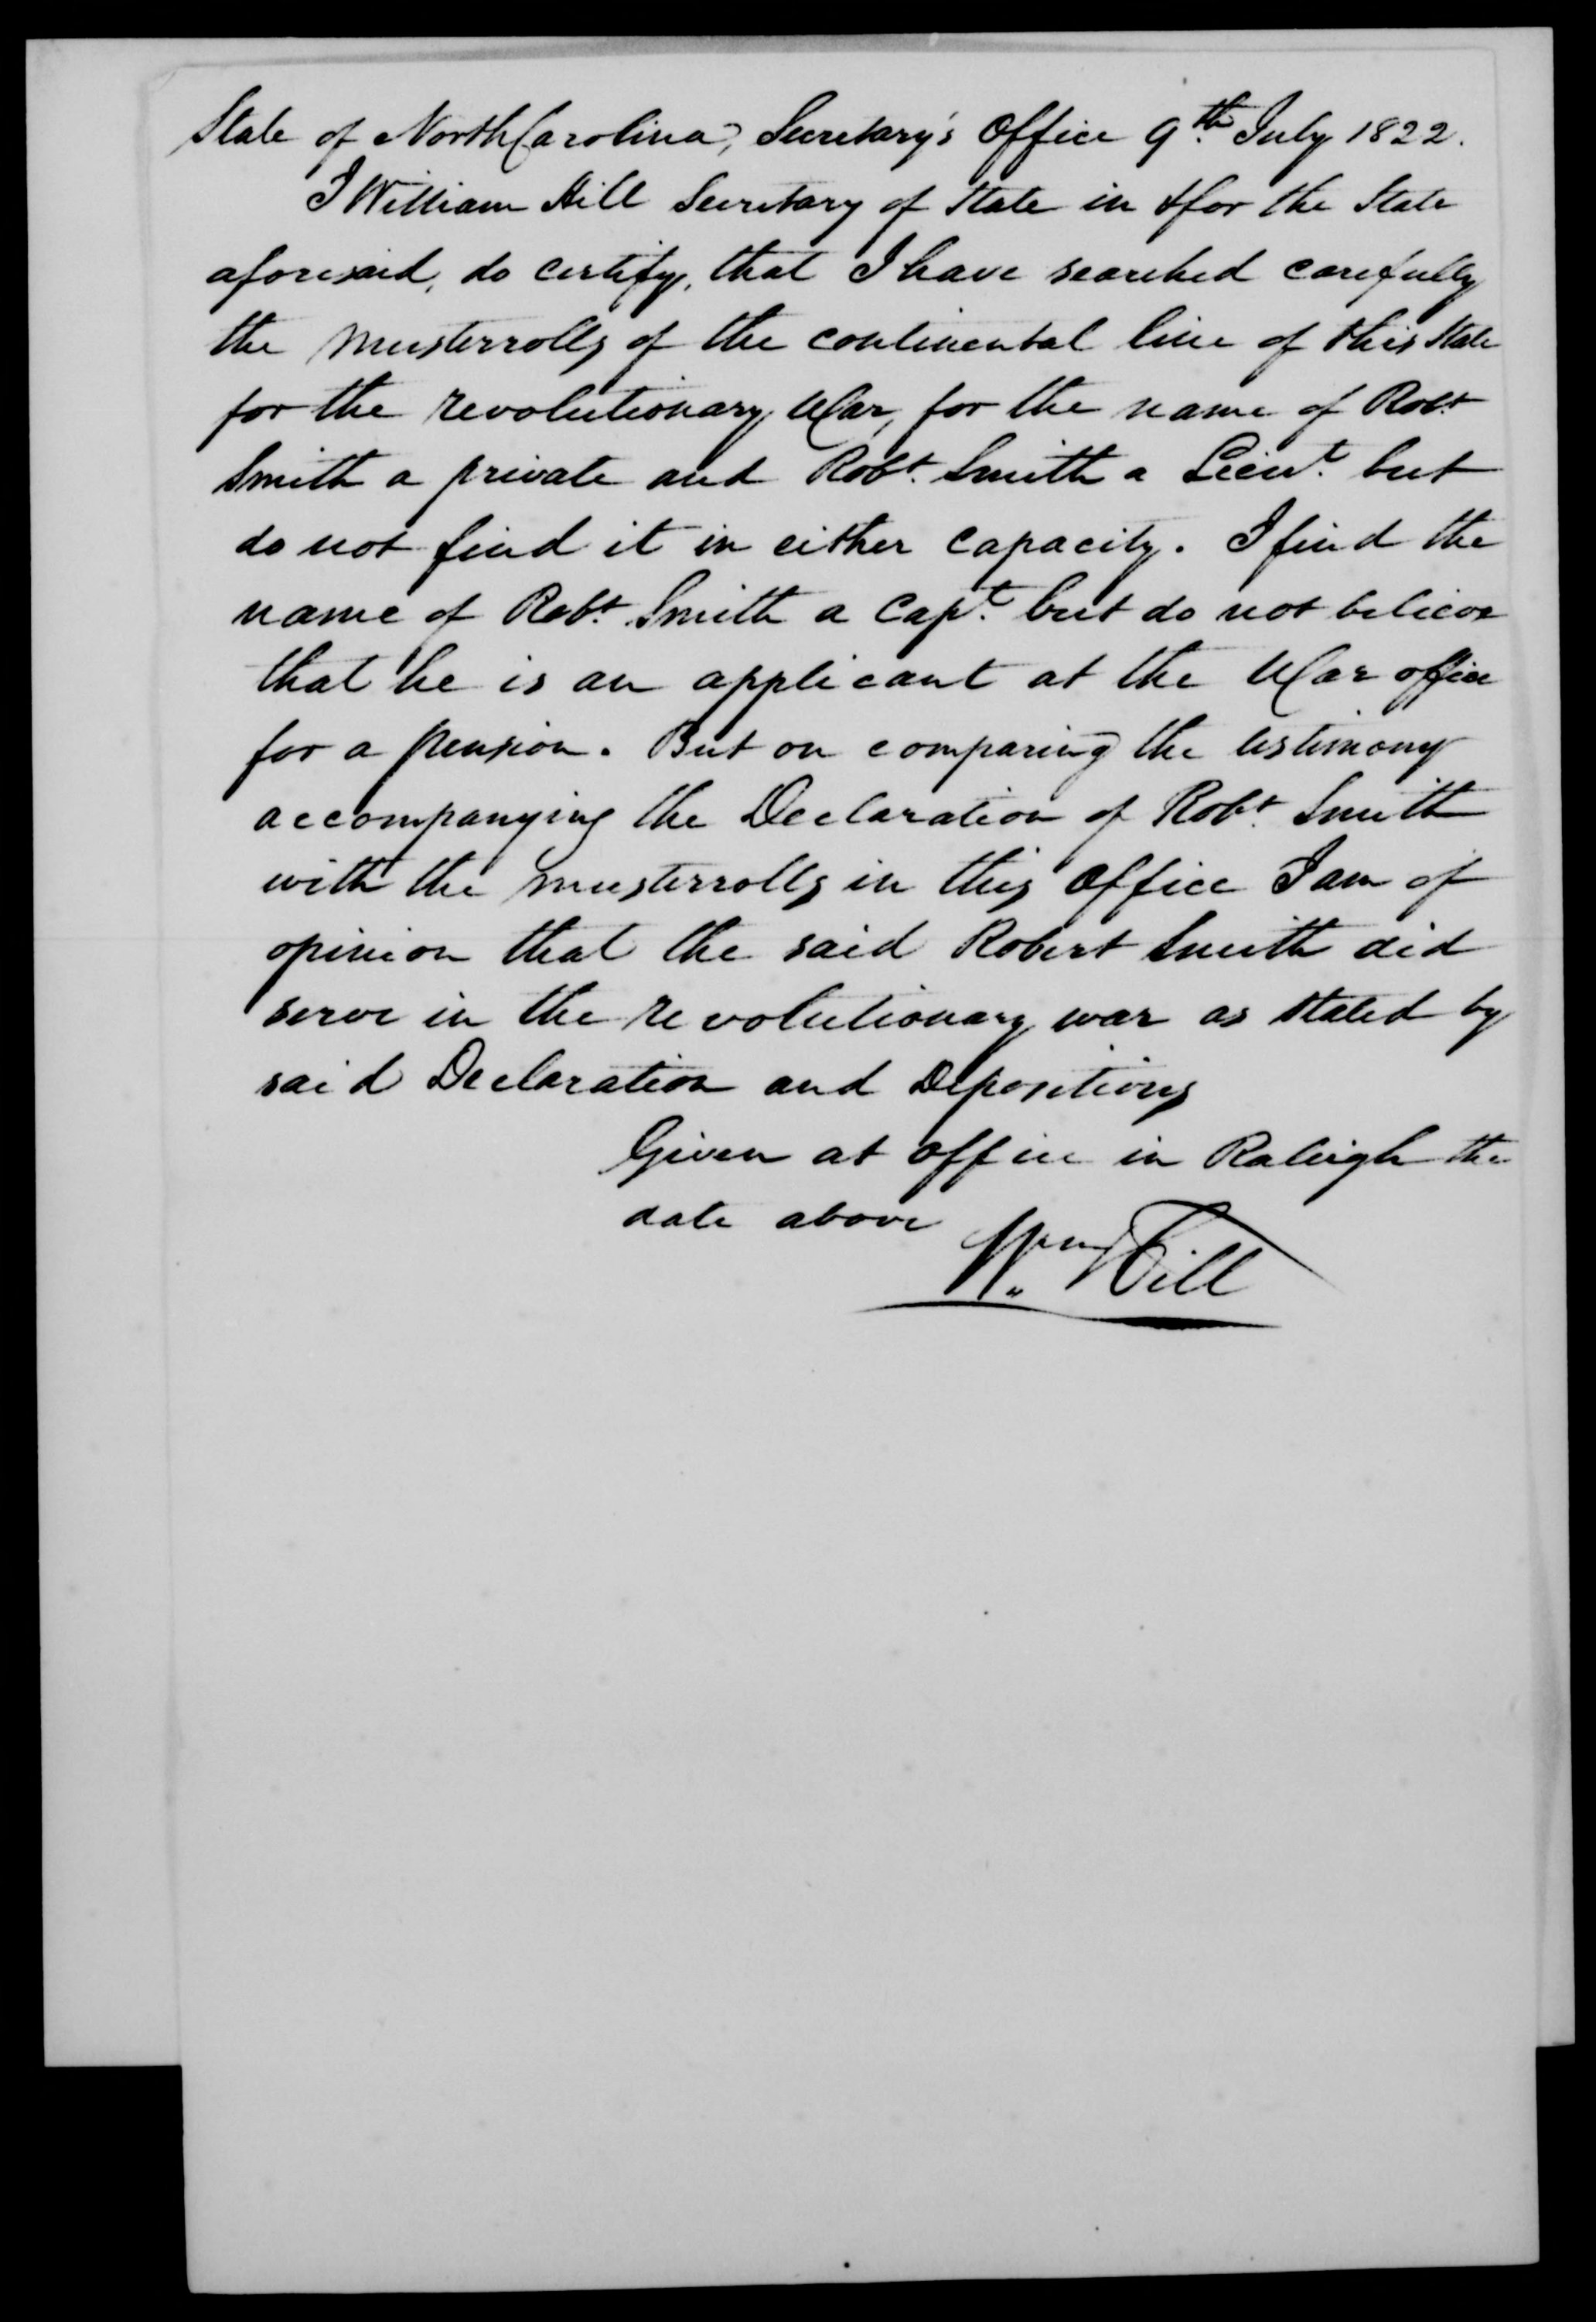State of North Carolina Secretary's Office 9th July 1822
I William Hill Secretary of State in & for the State
aforesaid, do certify that I have searched carefully
the musterrolls of the continental line of this State
for the revolutionary war, for the name of Robt
Smith a private and Robt Smith a Lieut but
do not find it in either capacity. I find the
name of Robt Smith a Capt but do not believe
that he is an applicant at the War office
for a pension. But in comparing the testimony
accompanying the Declaration of Robt Smith
with the musterrolls in this office I am of
opinion that the said Robert Smith did
serve in the revolutionary war as stated by
said Declaration and Depositions
Given at office in Raleigh the
date above 
Wm Hill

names: Robt Smith; William Hill; Robt Smith; Robert Smith; Wm Hill; Robt Smith; Robt Smith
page: 55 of 79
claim: widow's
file: W. 1504, for Robert Smith, North Carolina